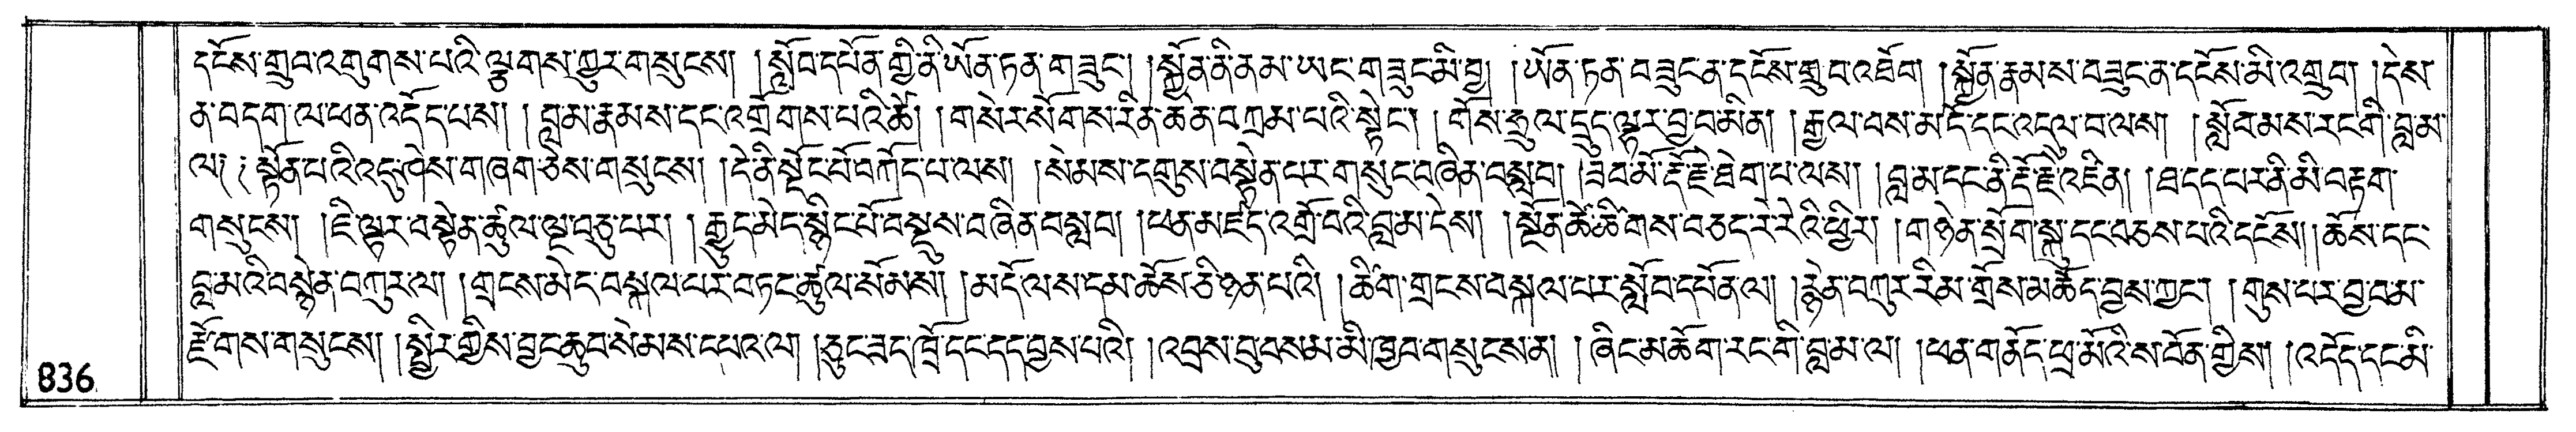དངོས་གྲུབ་འགུགས་པའི་ལྕགས་ཀྱུར་གསུངས། །སློབ་དཔོན་གྱི་ནི་ཡོན་ཏན་གཟུང་། །སྐྱོན་ནི་ནམ་ཡང་གཟུང་མི་བྱ། །ཡོན་ཏན་བཟུང་ན་དངོས་གྲུབ་འཐོབ། །སྐྱོན་རྣམས་བཟུང་ན་དངོས་མི་འགྲུབ། །དེས་
ན་བདག་ལ་ཕན་འདོད་པས། །བླ་མ་རྣམས་དང་འགྲོགས་པའི་ཚེ། །གསེར་སོགས་རིན་ཆེན་བཀྲམ་པའི་སྟེང་། །གོས་ཧྲུལ་དྲུད་ལྟར་བྱ་བ་མིན། །རྒྱལ་བས་མ་དེ་དང་འདུལ་བ་ལས། །སློབ་མས་རང་གི་བླ་མ་
ལ༑ ༑སྟོན་པའི་འདུ་ཤེས་གཞག་ཅེས་གསུངས། །དེ་ནི་སྡོང་པོ་བཀོད་པ་ལས། །སེམས་དགུས་བསྟེན་པར་གསུང་བཞིན་བསླབ། །ཟབ་མོ་རྡོ་རྗེ་ཐེག་པ་ལས། །བླ་མ་དང་ནི་རྡོ་རྗེ་འཛིན། །ཐ་དད་པར་ནི་མི་བརྟག་
གསུངས། །ཇི་ལྟར་བསྟེན་ཚུལ་ལྔ་བཅུ་པར། །རྒྱུད་མེད་སྙིང་པོ་བསྡུས་བཞིན་བསླབ། །ཕན་མཛད་འགྲོ་བའི་བླ་མ་དེས། །སྔོན་ཚེ་ཚིགས་བཅད་རེ་རེའི་ཕྱིར། །གཉེན་སྲོག་སྐུ་དང་བཅས་པའི་དངོས། །ཆོས་དང་
བླ་མའི་བསྙེན་བཀུར་ལ། །གྲངས་མེད་བསྐལ་པར་བཏང་ཚུལ་སོགས། །མདོ་ལས་དམ་ཆོས་ཅི་ཉན་པའི། །ཚིག་གྲངས་བསྐལ་པར་སློབ་དཔོན་ལ། །རྙེན་བཀུར་རིམ་གྲོས་མཆོད་བྱས་ཀྱང་། །གུས་པར་བྱ་བ་མ་
རྫོགས་གསུངས། །སྤྱིར་གྱིས་བྱང་ཆུབ་སེམས་དཔའ་ལ། །ཅུང་ཟད་ཁྲོ་དང་དད་བྱས་པའི། །འབྲས་བུ་བསམ་མི་ཁྱབ་གསུངས་ན། །ཞིང་མཆོག་རང་གི་བླ་མ་ལ། །ཕན་གནོད་ཕྲ་མོའི་ས་བོན་གྱིས། །འདོད་དང་མི་